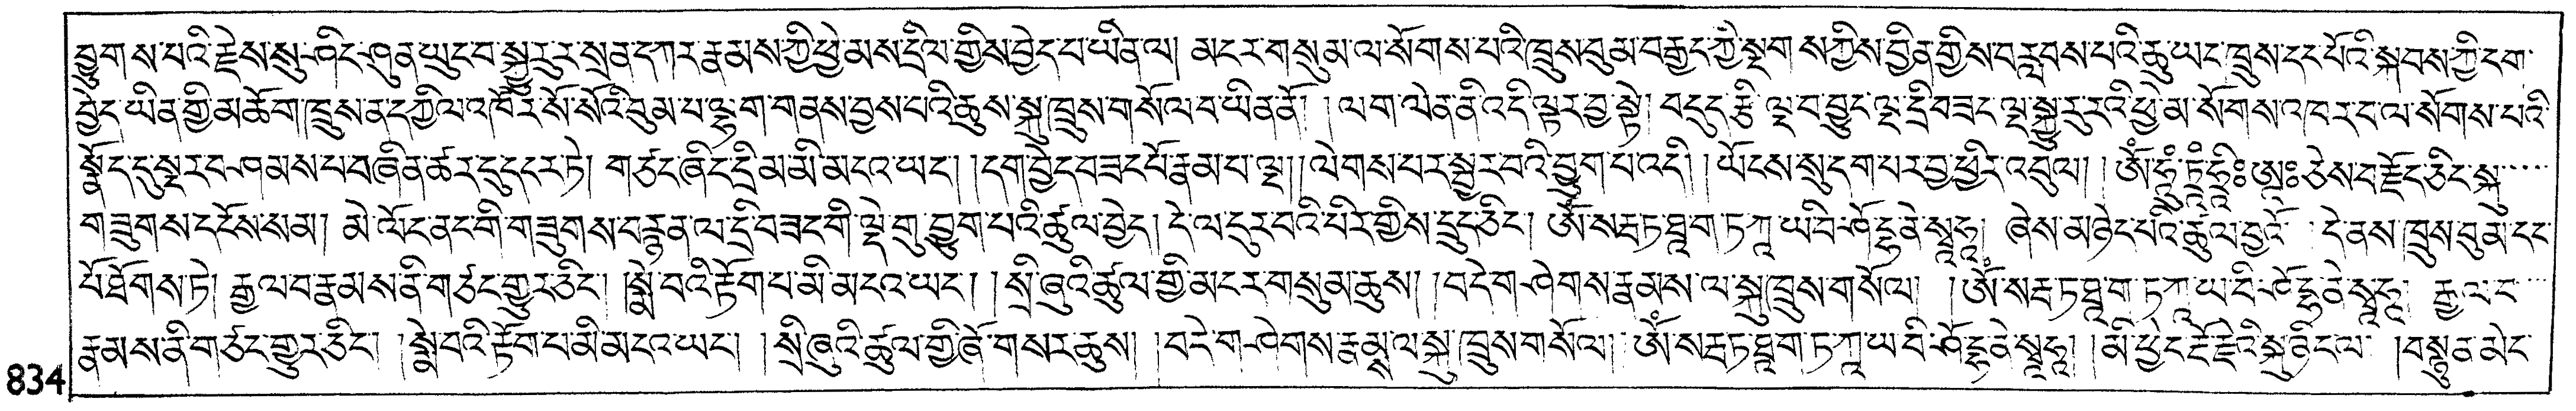བྱུགས་པའི་རྗེས་སུ་ཤིང་ཤུན་ཡུང་བ་སྐྱུ་རུ་ར་སྲན་དཀར་རྣམས་ཀྱི་ཕྱེ་མས་དྲིལ་གྱིས་བྱེད་པ་ཡིན་ལ། མངར་གསུམ་ལ་སོགས་པའི་ཁྲུས་བུམ་བརྒྱད་ཀྱི་སྔགས་ཀྱིས་བྱིན་གྱིས་བརླབས་པའི་ཆུ་ཡང་ཁྲུས་དང་པོའི་སྐབས་ཀྱི་དག་
བྱེད་ཡིན་གྱི་མཆོག་ཁྲུས་ན་དཀྱིལ་འཁོར་སོ་སོའི་བུམ་པ་ལྷག་གནས་བྱས་པའི་ཆུས་སྐུ་ཁྲུས་གསོལ་བ་ཡིན་ནོ། །ལག་ལེན་ནི་འདི་ལྟར་བྱ་སྟེ། བདུད་རྩི་ལྔ་བ་བྱུང་ལྔ་དྲི་བཟང་ལྔ་སྐྱུ་རུ་རའི་ཕྱེ་མ་སོགས་འཁར་བ་ལ་སོགས་པའི་
སྣོད་དུ་སྔར་བཤམས་པ་བཞིན་ཚར་དུ་དངར་ཏེ། གཙང་ཞིང་དྲི་མ་མི་མངའ་ཡང་། །དག་བྱེད་བཟང་པོ་རྣམ་པ་ལྔ། །ལེགས་པར་སྦྱར་བའི་བྱུག་པ་འདི། །ཡོངས་སུ་དག་པར་བྱ་ཕྱིར་འབུལ། །ཨོཾ་ཧཱུཾ་ཏྲཱཾ་ཧྲཱིཿ ཨཱཿ ཅེས་བརྗོད་ཅིང་སྐུ་
གཟུགས་དངོས་སམ། མེ་ལོང་ནང་གི་གཟུགས་བརྙན་ལ་དྲི་བཟང་གི་ལྡེ་གུ་བྱུག་པའི་ཚུལ་བྱེད། དེ་ལ་དུར་བའི་པིར་གྱིས་དྲུད་ཅིང་། ཨོཾ་སརྦ་ཏ་ཐཱ་ག་ཏ་ཀཱ་ཡ་བི་ཤོ་དྷ་ནེ་སྭཱཧཱ། ཞེས་མཉེད་པའི་ཚུལ་བྱའོ། །དེ་ནས་ཁྲུས་བུམ་དང་
པོ་ཐོགས་ཏེ། རྒྱལ་བ་རྣམས་ནི་གཙང་གྱུར་ཅིང་། །སྨེ་བའི་རྟོག་པ་མི་མངའ་ཡང་། །སྲི་ཞུའི་ཚུལ་གྱི་མངར་གསུམ་ཆུས། །བདེ་གཤེགས་རྣམས་ལ་སྐུ་ཁྲུས་གསོལ། །ཨོཾ་སརྦ་ཏ་ཐཱ་ག་ཏ་ཀཱ་ཡ་བི་ཤོ་དྷ་ནེ་སྭཱཧཱ། རྒྱལ་བ་
རྣམས་ནི་གཙང་གྱུར་ཅིང་། །སྨེ་བའི་རྟོག་པ་མི་མངའ་ཡང་། །སྲི་ཞུའི་ཚུལ་གྱི་ཞོ་གསར་ཆུས། །བདེ་གཤེགས་རྣམས་ལ་སྐུ་ཁྲུས་གསོལ། །ཨོཾ་སརྦ་ཏ་ཐཱ་ག་ཏ་ཀཱ་ཡ་བི་ཤོ་དྷ་ནེ་སྭཱཧཱ། །མི་ཕྱེད་རྡོ་རྗེའི་སྐུ་ཉིད་ལ། །བསྙུན་མེད་